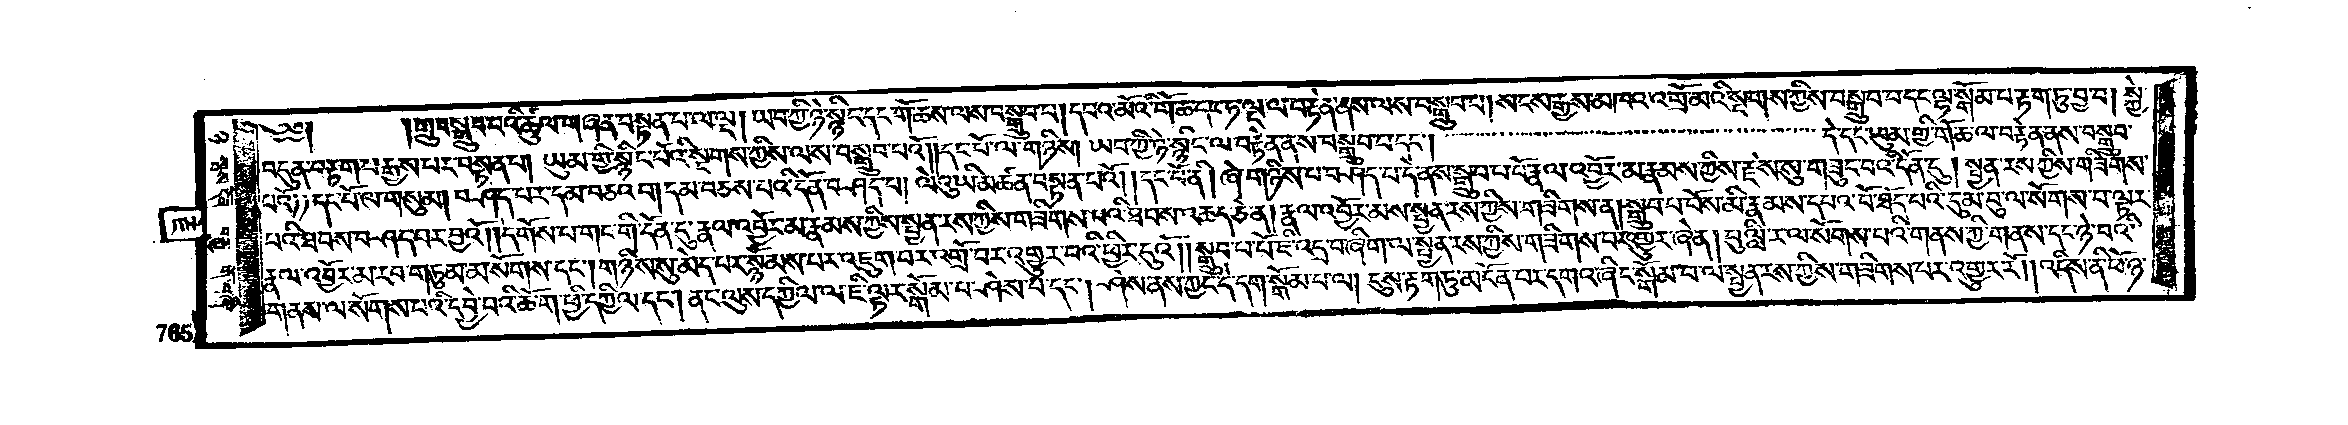༄༅། །གྲུབ་སྒྲུབ་པའི་ཚུལ་གཞན་བསྟན་པ་ལ་ལྔ། ཡབ་ཀྱི་ཉེ་སྙིང་དང་གོ་ཆས་ལས་བསྒྲུབ་པ། དཔའ་མོའི་གོ་ཆ་དང་ཧ་ལྔ་ལ་བརྟེན་ནས་ལས་བསྒྲུབ་པ། སངས་རྒྱས་མཁའ་འགྲོ་མའི་སྔགས་ཀྱིས་བསྒྲུབ་པ་དང་ལྷ་སྒོམ་པ་རྟག་ཏུ་བྱ་བ། སྐྱེ་
བདུན་བརྟག་པ་རྒྱས་པར་བསྟན་པ། ཡུམ་གྱི་སྙིང་པོའི་སྔགས་ཀྱིས་ལས་བསྒྲུབ་པའོ། །དང་པོ་ལ་གཉིས། ཡབ་ཀྱི་ཉེ་སྙིང་ལ་བརྟེན་ནས་བསྒྲུབ་པ་དང་། དེ་དང་ཡུམ་གྱི་གོ་ཆ་ལ་བརྟེན་ནས་བསྒྲུབ་
པའོ། །དང་པོ་ལ་གསུམ། བཤད་པར་དམ་བཅའ་བ། དམ་བཅས་པའི་དོན་བཤད་པ། ལེའུ་ཡི་མཚན་བསྟན་པའོ། །དང་པོ་ནི། ཞེ་གཉིས་པ་བཤད་པ་དེ་ནས་སྒྲུབ་པ་པོ་རྣལ་འབྱོར་མ་རྣམས་ཀྱིས་རྗེས་སུ་གཟུང་བའི་དོན་དུ། སྤྱན་རས་ཀྱིས་གཟིགས་
པའི་ཐབས་བཤད་པར་བྱའོ། །དགོས་པ་གང་གི་དོན་དུ་རྣལ་འབྱོར་མ་རྣམས་ཀྱིས་སྤྱན་རས་ཀྱིས་གཟིགས་པའི་ཐབས་འཆད་ཅེ་ན། རྣལ་འབྱོར་མས་སྤྱན་རས་ཀྱིས་གཟིགས་ན། སྒྲུབ་པ་པོས་མི་རྣམས་དཔའ་བོ་ཐོད་པའི་དུམ་བུ་ལ་སོགས་པ་ལྟར་
རྣལ་འབྱོར་མ་རབ་གཏུམ་མ་སོགས་དང་། གཉིས་སུ་མེད་པར་སྙོམས་པར་འཇུག་པར་འགྲོ་བར་འགྱུར་བའི་ཕྱིར་དུའོ། །སྒྲུབ་པ་པོ་ཇི་འདྲ་བ་ཞིག་ལ་སྤྱན་རས་ཀྱིས་གཟིགས་པར་འགྱུར་ཞེ་ན། པུ་ལླི་ར་ལ་སོགས་པའི་གནས་ཀྱི་གནས་དང་ཉེ་བའི་
གནས་ལ་སོགས་པའི་དབྱེ་བའི་ཆོ་ག་ཕྱི་དཀྱིལ་དང་། ནང་ལུས་དཀྱིལ་ལ་ཇི་ལྟར་སྒོམ་པ་ཤེས་པ་དང་། ཤེས་ནས་ཀྱང་དེ་དག་སྒོམ་པ་ལ། དུས་རྟག་ཏུ་མངོན་པར་དགའ་ཞིང་སྒོམ་པ་ལ་སྤྱན་རས་ཀྱིས་གཙིགས་པར་འགྱུར་རོ། །འདིས་ནི་ཕོ་ཉ་